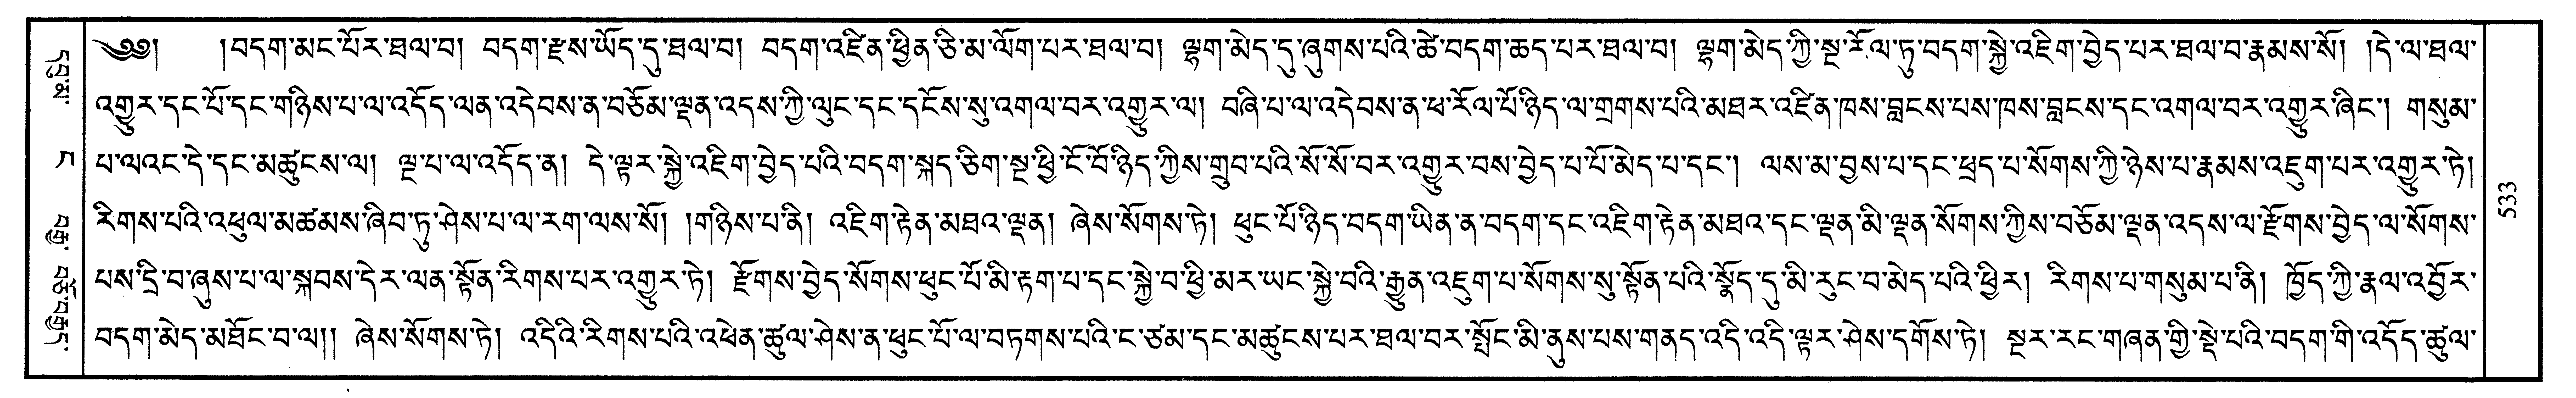༄༅། །བདག་མང་པོར་ཐལ་བ། བདག་རྫས་ཡོད་དུ་ཐལ་བ། བདག་འཛིན་ཕྱིན་ཅི་མ་ལོག་པར་ཐལ་བ། ལྷག་མེད་དུ་ཞུགས་པའི་ཚེ་བདག་ཆད་པར་ཐལ་བ། ལྷག་མེད་ཀྱི་སྔ་རོལ་ཏུ་བདག་སྐྱེ་འཇིག་བྱེད་པར་ཐལ་བ་རྣམས་སོ། །དེ་ལ་ཐལ་
འགྱུར་དང་པོ་དང་གཉིས་པ་ལ་འདོད་ལན་འདེབས་ན་བཅོམ་ལྡན་འདས་ཀྱི་ལུང་དང་དངོས་སུ་འགལ་བར་འགྱུར་ལ། བཞི་པ་ལ་འདེབས་ན་ཕ་རོལ་པོ་ཉིད་ལ་གྲགས་པའི་མཐར་འཛིན་ཁས་བླངས་པས་ཁས་བླངས་དང་འགལ་བར་འགྱུར་ཞིང་། གསུམ་
པ་ལའང་དེ་དང་མཚུངས་ལ། ལྔ་པ་ལ་འདོད་ན། དེ་ལྟར་སྐྱེ་འཇིག་བྱེད་པའི་བདག་སྐད་ཅིག་སྔ་ཕྱི་ངོ་བོ་ཉིད་ཀྱིས་གྲུབ་པའི་སོ་སོ་བར་འགྱུར་བས་བྱེད་པ་པོ་མེད་པ་དང་། ལས་མ་བྱས་པ་དང་ཕྲད་པ་སོགས་ཀྱི་ཉེས་པ་རྣམས་འཇུག་པར་འགྱུར་ཏེ།
རིགས་པའི་འཕུལ་མཚམས་ཞིབ་ཏུ་ཤེས་པ་ལ་རག་ལས་སོ། །གཉིས་པ་ནི། འཇིག་རྟེན་མཐའ་ལྡན། ཞེས་སོགས་ཏེ། ཕུང་པོ་ཉིད་བདག་ཡིན་ན་བདག་དང་འཇིག་རྟེན་མཐའ་དང་ལྡན་མི་ལྡན་སོགས་ཀྱིས་བཅོམ་ལྡན་འདས་ལ་རྫོགས་བྱེད་ལ་སོགས་
པས་དྲི་བ་ཞུས་པ་ལ་སྐབས་དེར་ལན་སྟོན་རིགས་པར་འགྱུར་ཏེ། རྫོགས་བྱེད་སོགས་ཕུང་པོ་མི་རྟག་པ་དང་སྐྱེ་བ་མི་ཕྱི་མར་ཡང་སྐྱེ་བའི་རྒྱུན་འཇུག་པ་སོགས་སུ་སྟོན་པའི་སྣོད་དུ་མི་རུང་བ་མེད་པའི་ཕྱིར། རིགས་པ་གསུམ་པ་ནི། ཁྱོད་ཀྱི་རྣལ་འབྱོར་
བདག་མེད་མཐོང་བ་ལ།། ཞེས་སོགས་ཏེ། འདིའི་རིགས་པའི་འཕེན་ཚུལ་ཤེས་ན་ཕུང་པོ་ལ་བཏགས་པའི་ང་ཙམ་དང་མཚུངས་པར་ཐལ་བར་སྤོང་མི་ནུས་པས་གནད་འདི་འདི་ལྟར་ཤེས་དགོས་ཏེ། སྔར་རང་གཞན་གྱི་སྡེ་པའི་བདག་གི་འདོད་ཚུལ་